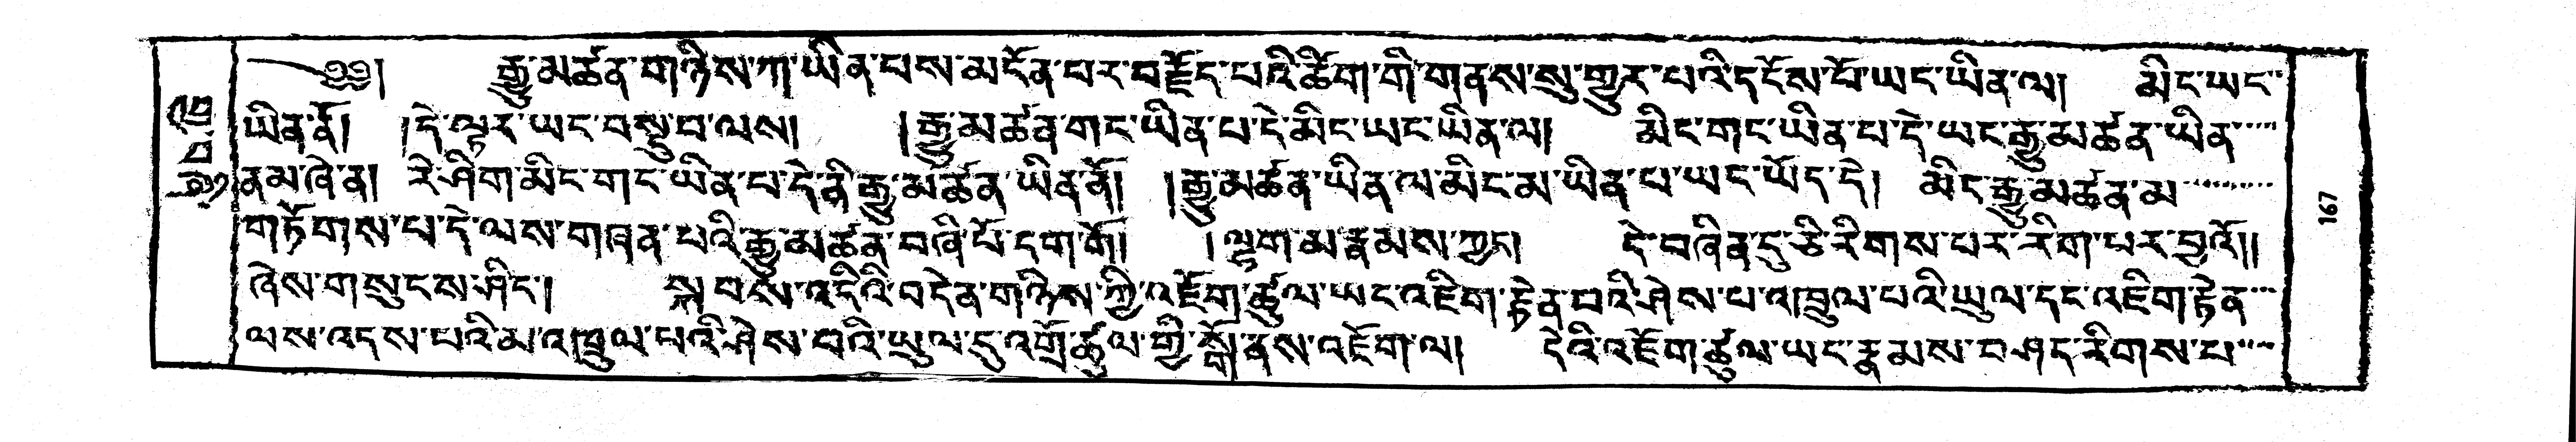༄༅། །རྒྱུ་མཚན་གཉིས་ཀ་ཡིན་པས་མངོན་པར་བརྗོད་པའི་ཚིག་གི་གནས་སུ་གྱུར་པའི་དངོས་པོ་ཡང་ཡིན་ལ། མིང་ཡང་
ཡིན་ནོ། །དེ་ལྟར་ཡང་བསྡུ་བ་ལས། །རྒྱུ་མཚན་གང་ཡིན་པ་དེ་མིང་ཡང་ཡིན་ལ། མིང་གང་ཡིན་པ་དེ་ཡང་རྒྱུ་མཚན་ཡིན་
ནམ་ཞེ་ན། རེ་ཤིག་མིང་གང་ཡིན་པ་དེ་ནི་རྒྱུ་མཚན་ཡིན་ནོ། །རྒྱུ་མཚན་ཡིན་ལ་མིང་མ་ཡིན་པ་ཡང་ཡོད་དེ། མིང་རྒྱུ་མཚན་མ་
གཏོགས་པ་དེ་ལས་གཞན་པའི་རྒྱུ་མཚན་བཞི་པོ་དག་གོ། །ལྷག་མ་རྣམས་ཀྱང་། དེ་བཞིན་དུ་ཅི་རིགས་པར་རིག་པར་བྱའོ། །
ཞེས་གསུངས་ཤིང་། སྐབས་འདིའི་བདེན་གཉིས་ཀྱི་འཇོག་ཚུལ་ཡང་འཇིག་རྟེན་པའི་ཤེས་པ་འཁྲུལ་པའི་ཡུལ་དང་འཇིག་རྟེན་
ལས་འདས་པའི་མ་འཁྲུལ་པའི་ཤེས་བའི་ཡུལ་དུ་འགྲོ་ཚུལ་གྱི་སྒོ་ནས་འཇོག་ལ། དེའི་འཇོག་ཚུལ་ཡང་རྣམས་བཤད་རིགས་པ་